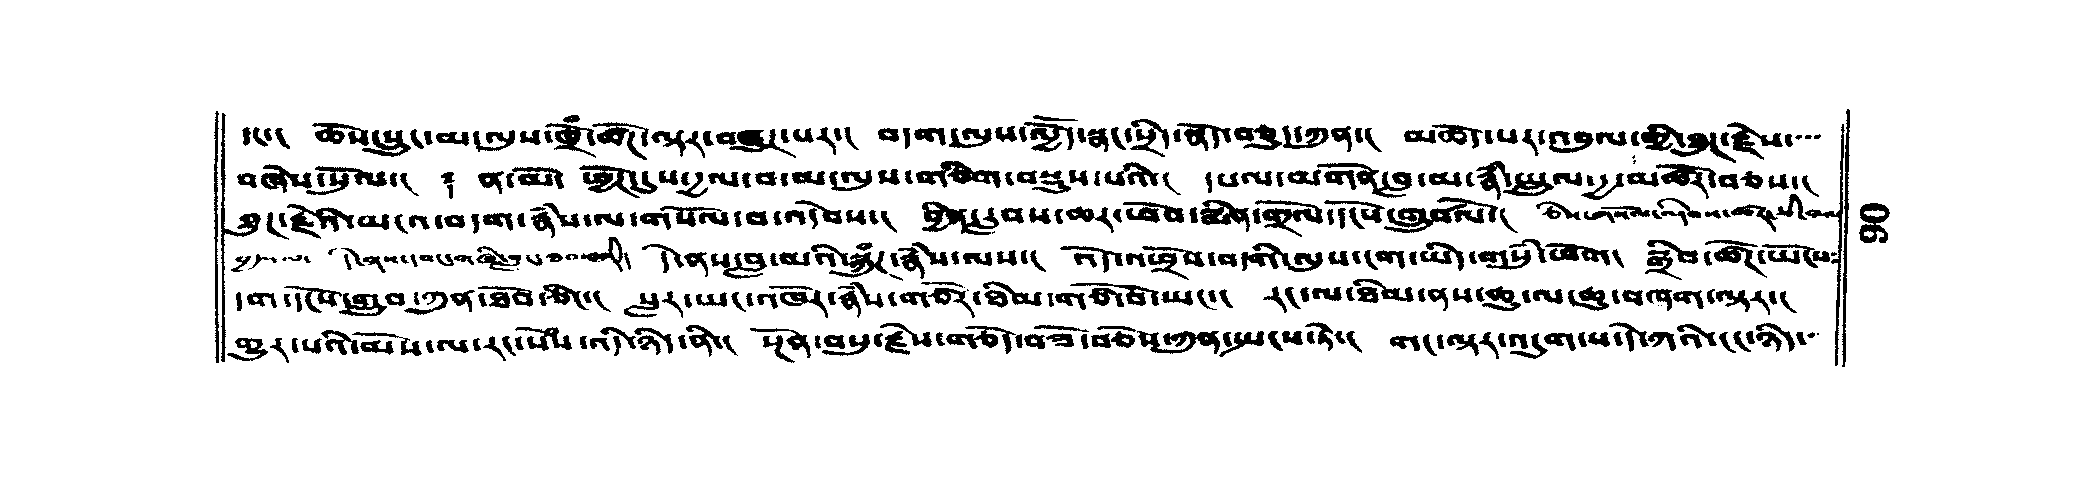དང་། །ཆོས་སྲུང་མ་ལུས་ཁྲོམ་ཚོགས་ལྟར་བཞུགས་པར། །བདག་ལུས་ལོངས་སྤྱོད་སྣང་སྲིད་སྣོད་བཅུད་ཀུན། །མཆོད་པར་འབུལ་གྱི་ཐུགས་རྗེས་
བཞེས་སུ་གསོལ། ན་མོ། ཕྱོགས་དུས་རྒྱལ་བ་མ་ལུས་གཅིག་བསྡུས་པའི། །དཔལ་མགོན་བླ་མ་རྣམ་སྤྲུལ་རྒྱ་མཚོར་བཅས། །
ཐུགས་རྗེའི་མངའ་བདག་རྣམས་ལ་གསོལ་བ་འདེབས། །བྱིན་རླབས་ཆར་ཕོབ་སྨིན་གྲོལ་དངོས་གྲུབ་སྩོལ། ཅེས་གསོལ་འདེབས་ཚར་ཅི་མང་
བྱས་ལ། དེ་ནས་དབང་བཞི་བླང་ཐབས་ནི། དེ་ནས་བླ་མའི་སྐུ་གསུང་ཐུགས་རྣམས་ལས། །འོད་འཕྲོས་བདག་གི་ལུས་ངག་ཡིད་གསུམ་ཕོག །སྒྲིབ་ཚོགས་ཡོངས་
དག་དངོས་གྲུབ་ཀུན་ཐོབ་ཅིང་། །སླར་ཡང་འཁོར་རྣམས་གཙོར་ཐིམ་གཅོ་བོ་ཡང་། །རང་ལ་ཐིམ་ནས་ཆུ་ལ་ཆུ་བཞག་ལྟར། །
གྱུར་པའི་མོང་ལ་རང་སེམས་འདི་ཉིད་ནི། །སྔོན་བསུ་རྗེས་གཅོད་བཟོ་བཅོས་ཀུན་སྤངས་ཏེ། །གང་ལྟར་འདུག་པ་དེ་ཀའི་ངང་ཉིད་